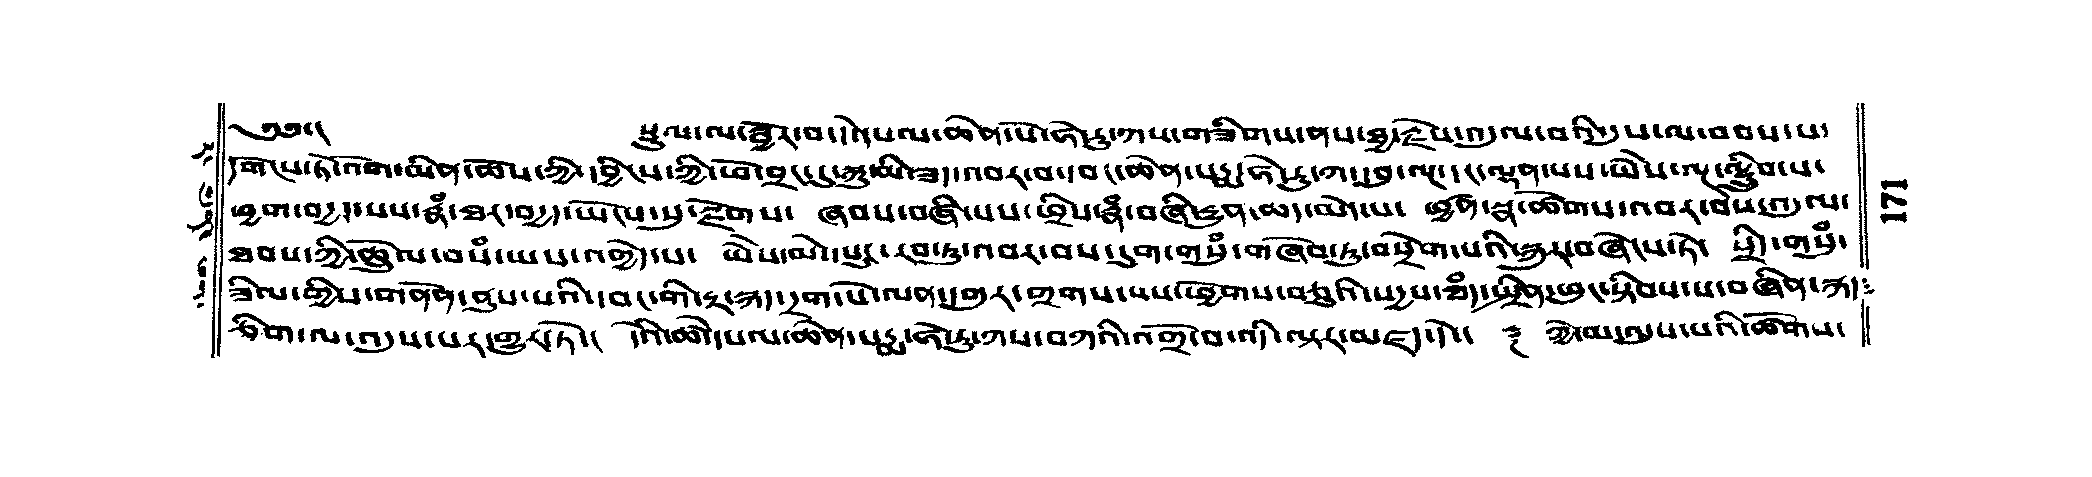སྡུག་བསྔལ་ལ་སྦྱོར་བ་དེ་དཔལ་ཆེན་པོ་ཧེ་རུ་ཀས་གཟིགས་ནས་ཐུགས་རྗེས་འདུལ་བའི་དུས་ལ་བབས་པ་
དགོངས་ཏེ་འོག་མིན་ཆོས་ཀྱི་དབྱིངས་ཀྱི་ཕོ་བྲང་དུ་སྐུ་མི་ཟད་འབར་བ་དབང་ཆེན་པདྨ་ཧེ་རུ་ཀ་དབུ་ལྔ་དང་ལྡན་པས་ཡེ་ཤེས་ལྔ་ལྷུན་གྱིས་གྲུབ་པ་
ཕྱག་བརྒྱད་པས་རྣམ་ཐར་བརྒྱད་ཡོངས་སུ་རྫོགས། ཞབས་བཞི་པས་ཕྲིན་ལས་རྣམ་བཞི་རྒྱུན་ཆད་མེད་པ། ཕྱག་མཚན་སྣ་ཚོགས་འབར་བས་འདུལ་
ཐབས་ཀྱི་ཆོ་འཕྲུལ་བསམ་ཡས་འགྱེད་པ། ཡེ་ཤེས་མེ་དཔུང་རབ་ཏུ་འབར་བས་དུག་གསུམ་གཞོབ་ཏུ་བསྲེག་པའི་སྐུར་བཞེངས་ཏེ། སྲིད་གསུམ་
ཟིལ་གྱིས་གནོན་ནུས་པའི་དབང་གི་རྟ་སྐད་དྲག་པོ་ལན་དགུར་གྲགས་པས་ཕྱོགས་བཅུའི་སངས་རྒྱས་ཐམས་ཅད་སྤྲིན་ཕུང་སྟིབས་པ་བཞིན་སྐད་
ཅིག་ལ་འདུས་པར་གྱུར་ཏོ། དེའི་ཚེ་དཔལ་ཆེན་པདྨ་ཧེ་རུ་ཀས་བཀའི་འགྲོ་བ་འདི་ལྟར་མཛད་དེ། ༈ ཀྱེ་མ་ལུས་པའི་ཚོགས་